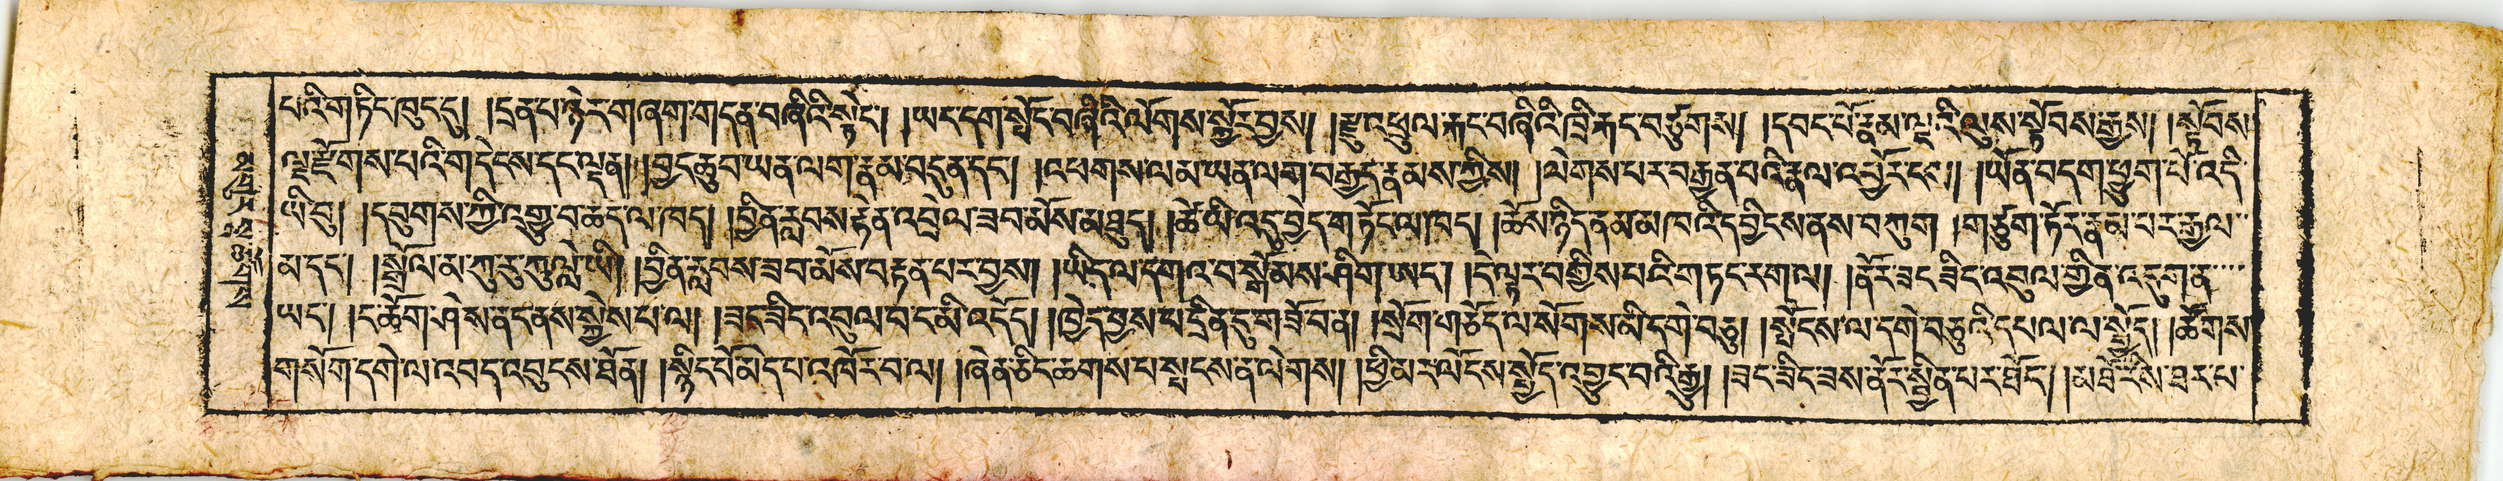འི་པའི་གཏིང་ཁུང་དུ། །དྲན པ ཉེར་གཞག་གདན་བཞིའི་སྟེང་། །ཡང་དག་སྤོང་བཞིའི་ལོགས་སྐྱོར་བྱས། །རྫུ་འཕྲུལ་རྐང་བཞིའི་ཁྲི་རྐང་བཙུགས། །དབང་པོ་རྣམ་ལྔའི་ལུས་སྟོབས་རྒྱས། །སྟོབས་
ལྗ་རྫོགས་པའི་གདེངས་དང་ལྡན། །བྱང་ཆུབ་ཡན་ལག་རྣམ་བདུན་དང་། །འཕགས་ལམ་ཡན་ལག་བརྒྱད་རྣམས་ཀྱིས། །ལེགས་པར་བརྒྱན་པའི་རྣལ་འབྱོར་ངས་། །ཡོན་བདག་ཕྱུག་པོ་འདི་
ཡི་བུ། །དབུགས་ཀྱི་འགྱུ་བ་ཆད་ལ་ཁད། །བྱིན་རླབས་རྟེན་འབྲེལ་ཟབ་མོས་མཐུད། །ཚེ་ཡི་འདུ་བྱེད་གཏོང་ལ་ཁད། །ཆོས་ཉིད་ནམ་མཁའི་དབྱིངས་ནས་བཀུག །གཙུག་ཏོར་རྣམ་པར་རྒྱལ་
མ་དང་། །སྒྲོལ་མ་ཀུ་རུ་ཀུལླེ་ཡི། །བྱིན་རླབས་ཟབ་མོས་བརྟན་པར་བྱས། །ཡིད་ལ་དགའ་བ་སྒོམས་ཤིག་ཨང། །དེ་ལྟར་བགྱིས་པའི་གཏང་རག་ལ། །ནོར་ཟང་ཟིང་འབུལ་གྱིན་འདུག་ན་
ཡང་། །ང་ཆོག་ཤེས་ནང་ནས་སྐྱེས་པ་ལ། །ཟང་ཟིང་འབུལ་བ་ང་མི་འདོད། །ཁྱེད་བྱས་པ་དྲིན་དུ་གཟོ་བ་ན། །སྲོག་གཅོད་ལ་སོགས་མི་དགེ་བཅུ། །སྤོངས་ལ་དགེ་བཅུའི་དཔལ་ལ་སྤྱོད། །ཚོགས་
གསོག་དགེ་ལ་འབད་འབུངས་ཐོན། །སྙིང་པོ་མེད་པ་འཁོར་བ་ལ། །ཞེན་ཅིང་ཆགས་པ་སྤངས་ན་ལེགས། །ཕྱི་མར་ལོངས་སྤྱོད་འབྱུང་བའི་རྒྱུ། ཟང་ཟིང་ཟས་ནོར་སྦྱིན་པར་ཐོང་། །མཐོ་རིས་ཐར་པ་